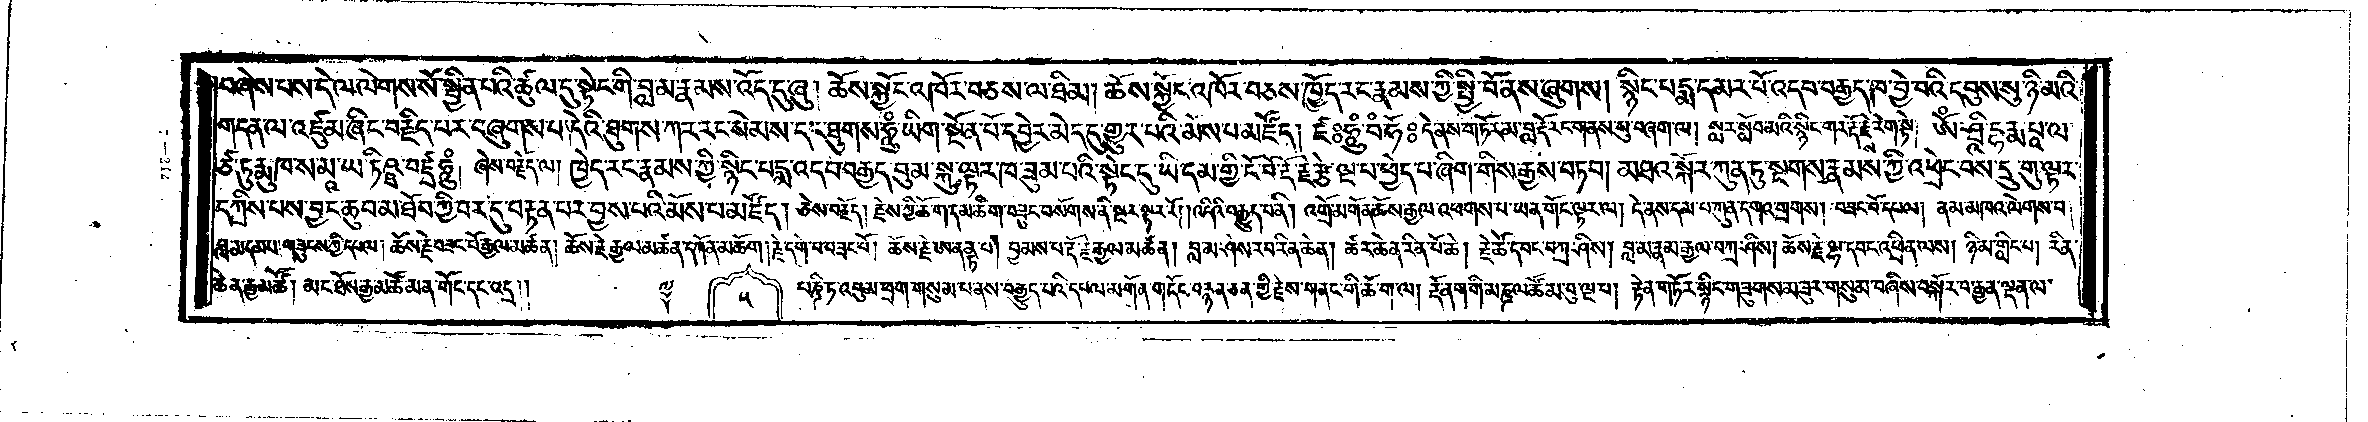བཞེས་པས་དེ་ལ་ལེགས་སོ་སྦྱིན་པའི་ཚུལ་དུ་སྟེང་གི་བླ་མ་རྣམས་འོད་དུ་ཞུ། ཆོས་སྐྱོང་འཁོར་བཅས་ལ་ཐིམ། ཆོས་སྐྱོང་འཁོར་བཅས་ཁྱོད་རང་རྣམས་ཀྱི་སྤྱི་བོ་ནས་ཞུགས། སྙིང་པདམ་དམར་པོ་འདབ་བརྒྱད་ཁ་བྱེ་བའི་དབུས་སུ་ཉི་མའི་
གདན་ལ་འཛུམ་ཞིང་བརྗིད་པར་བཞུགས་པ་དེའི་ཐུགས་ཀར་རང་སེམས་དང་ཐུགས་ཧཱུཾ་ཡིག་སྔོན་པོ་དབྱེར་མེད་དུ་གྱུར་པའི་མོས་པ་མཛོད། ཛཿ ཧཱུཾ་བཾ་ཧོཿ དེ་ནས་གཏོར་མ་བླ་རྡོ་རང་གནས་སུ་བཞག་ལ། སླར་སློབ་མའི་སྙིང་གར་རྡོ་རྗེས་རེག་ཏེ།  ཨོཾ་ཤྲཱི་དྷརྨ་པཱ་ལ་
ཙ་ཏུརྨུ་ཁ་ས་མཱ་ཡ་ཏིཥཊཿཨ་བཛྲ་ཧཱུཾ། ཞེས་བརྗོད་ལ།  ཁྱེད་རང་རྣམས་ཀྱི་སྙིང་པདམ་འདབ་བརྒྱད་བུམ་སྐུ་ལྟར་ཁ་ཟུམ་པའི་སྟེང་དུ་ཡི་དམ་གྱི་ངོ་བོ་རྡོ་རྗེ་རྩེ་ལྔ་པ་ཕྱེད་པ་ཞིག་གིས་རྒྱས་བཏབ། མཐའ་སྐོར་ཀུན་ཏུ་སྔགས་རྣམས་ཀྱི་འཕྲེང་བས་དྲུག་གུ་ལྟར་
དཀྲིས་པས་བྱང་ཆུབ་མ་ཐོབ་ཀྱི་བར་དུ་བརྟན་པར་བྱས་པའི་མོས་པ་མཛོད། ཅེས་བརྗོད། རྗེས་ཀྱི་ཆོ་ག་དམ་ཚིག་བཟུང་བ་སོགས་ནི་སྔར་ལྟར་རོ། །འདིའི་བརྒྱུད་པ་ནི། འགྲོ་མགོན་ཆོས་རྒྱལ་འཕགས་པ་ཡན་གོང་ལྟར་ལ། དེ་ནས་དམ་པ་ཀུན་དགའ་གྲགས། བཟང་པོ་དཔལ། ནམ་མཁའ་ལེགས་པ།
བླ་མ་དམ་པ། གཟུངས་ཀྱི་དཔལ། ཆོས་རྗེ་བཟང་པོ་རྒྱལ་མཚན། ཆོས་རྗེ་རྒྱལ་མཚན་དཀོན་མཆོག །རྗེ་དགེ་བ་བཟང་པོ། ཆོས་རྗེ་ཨ་ནནྟ་པ། བྱམས་པ་རྡོ་རྗེ་རྒྱལ་མཚན། བླ་མ་ཤེས་རབ་རིན་ཆེན། ཚར་ཆེན་རིན་པོ་ཆེ། རྗེ་ཚེ་དབང་བཀྲ་ཤིས། བླ་མ་རྣམ་རྒྱལ་བཀྲ་ཤིས། ཆོས་རྗེ་ལྷ་དབང་འཕྲིན་ལས། ཉི་མ་གླིང་པ། རིན་
ཆེན་རྒྱ་མཚོ། མང་ཐོས་རྒྱ་མཚོ་མན་གོང་དང་འདྲ།། ༈ ༼༽༥༼༽ པཎྜི་ཏ་འབུམ་ཕྲག་གསུམ་པ་ནས་བརྒྱུད་པའི་དཔལ་མགོན་གདོང་བརྙན་ཅན་གྱི་རྗེས་གནང་གི་ཆོ་ག་ལ། རྡོ་ནག་གི་མཎྜལ་ཚོམ་བུ་ལྔ་པ། རྟེན་གཏོར་སྙིང་གཟུགས་མ་ཟུར་གསུམ་བཞིས་བསྐོར་བརྒྱན་ལྡན་ལ་